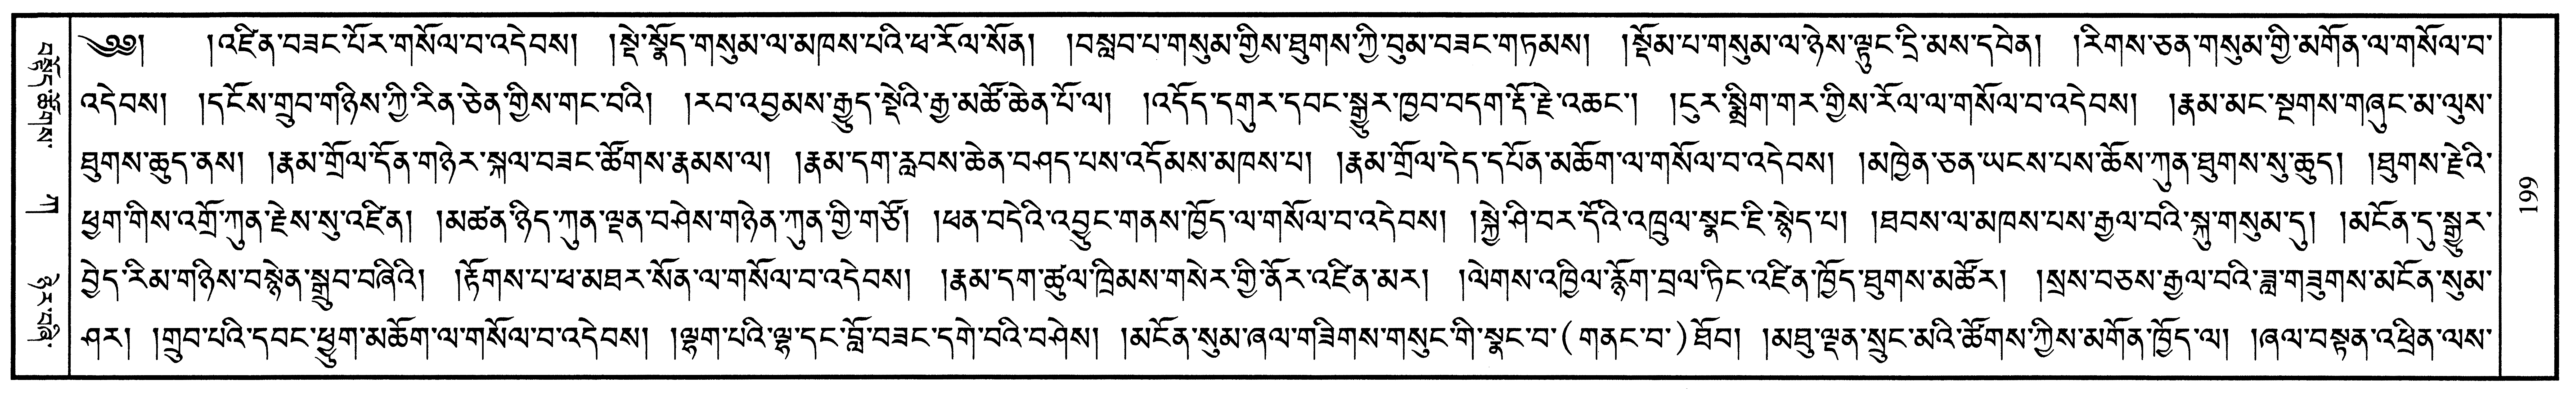༄༅། །འཛིན་བཟང་པོར་གསོལ་བ་འདེབས། །སྡེ་སྣོད་གསུམ་ལ་མཁས་པའི་ཕ་རོལ་སོན། །བསླབ་པ་གསུམ་གྱིས་ཐུགས་ཀྱི་བུམ་བཟང་གཏམས། །སྡོམ་པ་གསུམ་ལ་ཉེས་ལྟུང་དྲི་མས་དབེན། །རིགས་ཅན་གསུམ་གྱི་མགོན་ལ་གསོལ་བ་
འདེབས། །དངོས་གྲུབ་གཉིས་ཀྱི་རིན་ཅེན་གྱིས་གང་བའི། །རབ་འབྱམས་རྒྱུད་སྡེའི་རྒྱ་མཚོ་ཆེན་པོ་ལ། །འདོད་དགུར་དབང་སྒྱུར་ཁྱབ་བདག་རྡོ་རྗེ་འཆང་། །ངུར་སྨྲིག་གར་གྱིས་རོལ་ལ་གསོལ་བ་འདེབས། །རྣམ་མང་སྔགས་གཞུང་མ་ལུས་
ཐུགས་ཆུད་ནས། །རྣམ་གྲོལ་དོན་གཉེར་སྐལ་བཟང་ཚོགས་རྣམས་ལ། །རྣམ་དག་རླབས་ཆེན་བཤད་པས་འདོམས་མཁས་པ། །རྣམ་གྲོལ་དེད་དཔོན་མཆོག་ལ་གསོལ་བ་འདེབས། །མཁྱེན་ཅན་ཡངས་པས་ཆོས་ཀུན་ཐུགས་སུ་ཆུད། །ཐུགས་རྗེའི་
ཕྱག་གིས་འགྲོ་ཀུན་རྗེས་སུ་འཛིན། །མཚན་ཉིད་ཀུན་ལྡན་བཤེས་གཉེན་ཀུན་གྱི་གཙོ། །ཕན་བདེའི་འབྱུང་གནས་ཁྱོད་ལ་གསོལ་བ་འདེབས། །སྐྱེ་ཤི་བར་དོའི་འཁྲུལ་སྣང་ཇི་སྙེད་པ། །ཐབས་ལ་མཁས་པས་རྒྱལ་བའི་སྐུ་གསུམ་དུ། །མངོན་དུ་སྒྱུར་
བྱེད་རིམ་གཉིས་བསྙེན་སྒྲུབ་བཞིའི། །རྟོགས་པ་ཕ་མཐར་སོན་ལ་གསོལ་བ་འདེབས། །རྣམ་དག་ཚུལ་ཁྲིམས་གསེར་གྱི་ནོར་འཛིན་མར། །ལེགས་འཁྱིལ་རྙོག་བྲལ་ཏིང་འཛིན་ཁྱོད་ཐུགས་མཚོར། །སྲས་བཅས་རྒྱལ་བའི་ཟླ་གཟུགས་མངོན་སུམ་
ཤར། །གྲུབ་པའི་དབང་ཕྱུག་མཆོག་ལ་གསོལ་བ་འདེབས། །ལྷག་པའི་ལྷ་དང་བློ་བཟང་དགེ་བའི་བཤེས། །མངོན་སུམ་ཞལ་གཟིགས་གསུང་གི་སྣང་བ་་གནང་བ་་ཐོབ། མཐུ་ལྡན་སྲུང་མའི་ཚོགས་ཀྱིས་མགོན་ཁྱོད་ལ། །ཞལ་བསྟན་འཕྲིན་ལས་